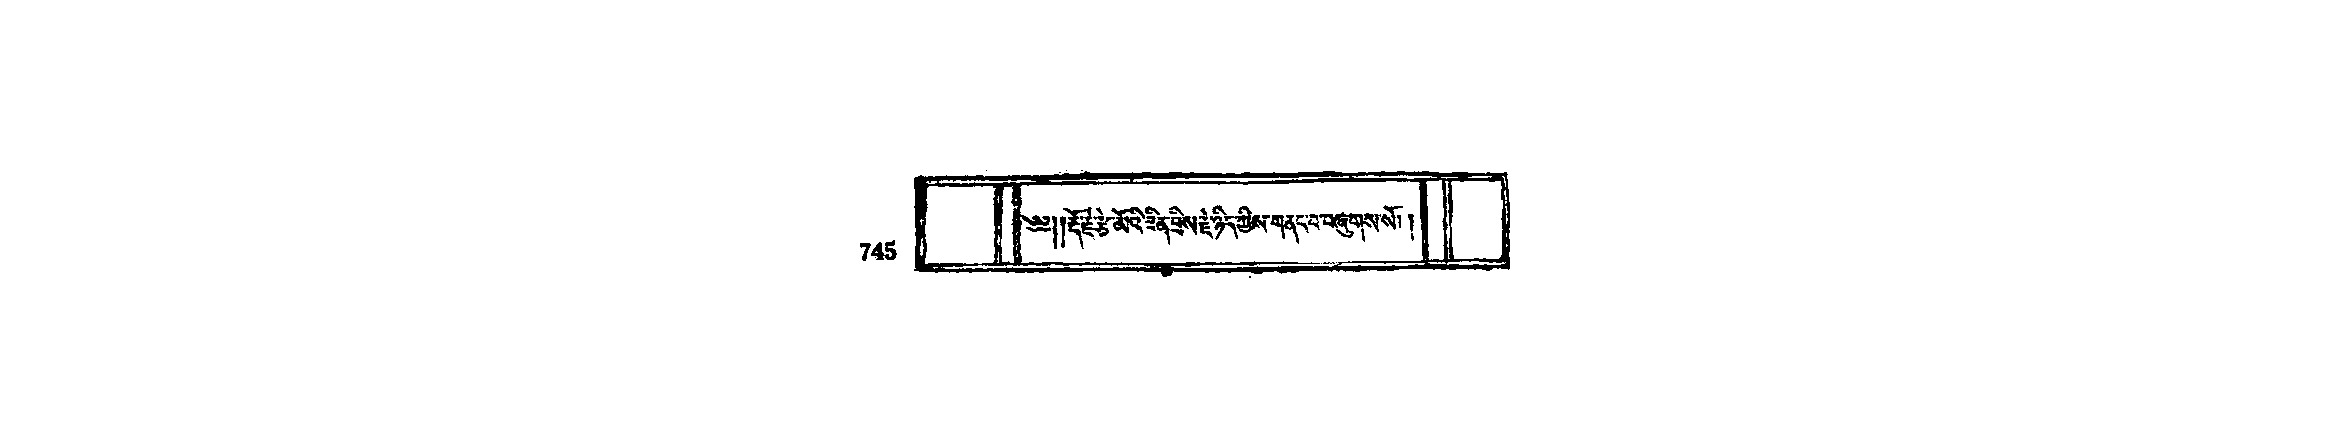༄༅། །རྡོ་རྗེ་རྩེ་མོའི་ཟིན་བྲིས་རྗེ་ཉིད་ཀྱིས་གནང་བ་བཞུགས་སོ། །